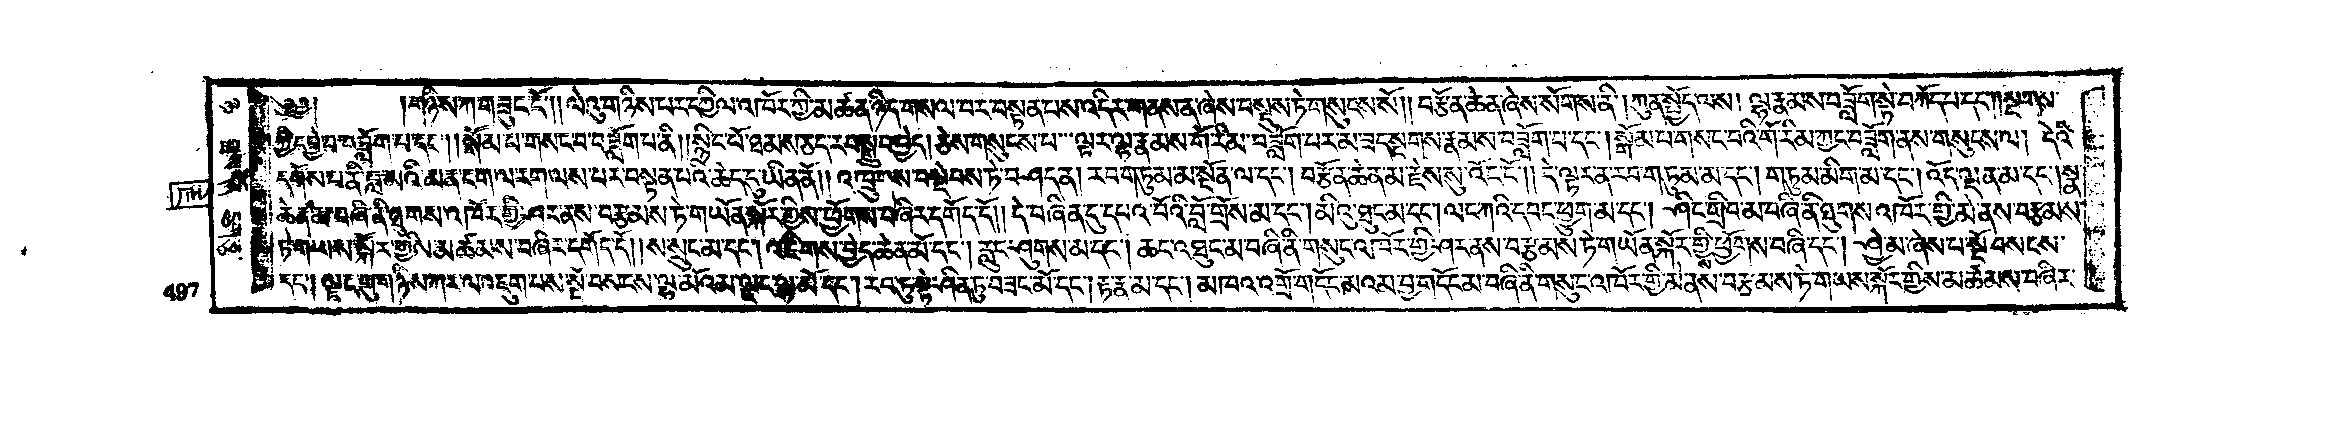༄༅། །གཉིས་ཀ་གཟུང་ངོ། །ལེའུ་གཉིས་པར་དཀྱིལ་འཁོར་གྱི་མཚན་ཉིད་གསལ་བར་བསྟན་པས་འདིར་གནས་ན་ཞེས་བསྡུས་ཏེ་གསུངས་སོ། །བརྩོན་ཆེན་ཞེས་སོགས་ནི། ཀུན་སྤྱོད་ལས། ལྷ་རྣམས་བཟློག་སྟེ་བཀོད་པ་དང་། །སྔགས་
ཀྱི་དབྱེ་བ་བཟློག་པ་དང་། །སྒོམ་པ་གསང་བ་བཟློག་པ་ནི། །སྙིང་པོ་ཐམས་ཅད་རབ་སྒྲུབ་བྱེད། ཅེས་གསུངས་པ་ལྟར་ལྷ་རྣམས་གོ་རིམ་བཟློག་པར་མ་ཟད་སྔགས་རྣམས་བཟློག་པ་དང་། སྒོམ་པ་གསང་བའི་གོ་རིམ་ཀྱང་བཟློག་ནས་གསུངས་ལ། དེའི་
དགོས་པ་ནི་བླ་མའི་མན་ངག་ལ་རག་ལས་པར་བསྟན་པའི་ཆེད་དུ་ཡིན་ནོ། །འཁྲུགས་བསྡེབས་ཏེ་བཤད་ན། རབ་གཏུམ་མ་སྔོན་ལ་དང་། བརྩོན་ཆེན་མ་རྗེས་སུ་འོང་ངོ། །དེ་ལྟར་ན་རབ་གཏུམ་མ་དང་། གཏུམ་མིག་མ་དང་། འོད་ལྡན་མ་དང་། སྣ་
ཆེན་མ་བཞི་ནི་ཐུགས་འཁོར་གྱི་ཤར་ནས་བརྩམས་ཏེ་གཡོན་སྐོར་གྱིས་ཕྱོགས་བཞིར་དགོད་དོ། །དེ་བཞིན་དུ་དཔའ་བོའི་བློ་གྲོས་མ་དང་། མིའུ་ཐུང་མ་དང་། ལང་ཀའི་དབང་ཕྱུག་མ་དང་། ཤིང་གྲིབ་མ་བཞི་ནི་ཐུགས་འཁོར་གྱི་མེ་ནས་བརྩམས་
ཏེ་གཡས་སྐོར་གྱིས་མཚམས་བཞིར་དགོད་དོ། །ས་སྲུང་མ་དང་། འཇིགས་བྱེད་ཆེན་མོ་དང་། རླུང་ཤུགས་མ་དང་། ཆང་འཐུང་མ་བཞི་ནི་གསུང་འཁོར་གྱི་ཤར་ནས་བརྩམས་ཏེ་གཡོན་སྐོར་གྱིས་ཕྱོགས་བཞི་དང་། ཤྱེ་མ་ཞེས་པ་སྔོ་བསངས་
དང་། ལྗང་གུ་གཉིས་ཀར་ལ་འཇུག་པས་སྔོ་བསངས་ལྷ་མོའམ་ལྗང་ལྷ་མོ་དང་། རབ་ཏུ་སྟེ་ཤིན་ཏུ་བཟང་མོ་དང་། རྟ་རྣ་མ་དང་། མཁའ་འགྲོ་གདོང་མའམ་བྱ་གདོང་མ་བཞི་ནི་གསུང་འཁོར་གྱི་མེ་ནས་བརྩམས་ཏེ་གཡས་སྐོར་གྱིས་མཚམས་བཞིར་